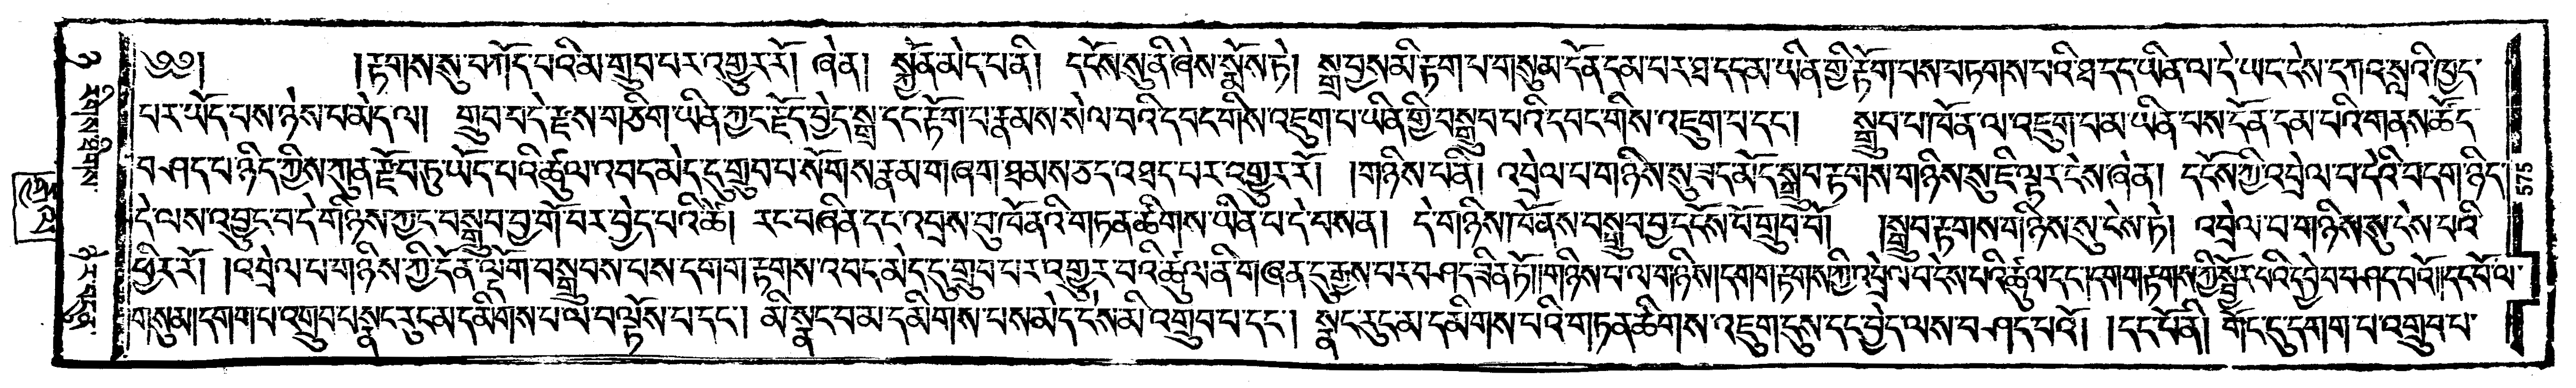༄༅། །རྟགས་སུ་བཀོད་པའི་མ་གྲུབ་པར་འགྱུར་རོ། ཞེ་ན། སྐྱོན་མེད་པ་ནི། དངོས་སུ་ནི་ཞེས་སྨོས་ཏེ། སྒྲ་བྱས་མི་རྟག་པ་གསུམ་དོན་དམ་པར་ཐ་དད་མ་ཡིན་གྱི་རྟོག་པས་བཏགས་པའི་ཐ་དད་ཡིན་ལ་དེ་ཡང་ངེས་དཀའ་སླའི་ཁྱད་
པར་ཡོད་པས་ཉེས་པ་མེད་ལ། གྲུབ་བདེ་རྫས་གཅིག་ཡིན་ཀྱང་རྗོད་བྱེད་སྒྲ་དང་རྟོག་པ་རྣམས་སེལ་བའི་དབང་གིས་འཇུག་པ་ཡིན་གྱི་བསྒྲུབ་པའི་དབང་གིས་འཇུག་པ་དང་། སྒྲུབ་པ་ཁོ་ན་ལ་འཇུག་པ་མ་ཡིན་པས་དོན་དམ་པའི་གནས་ཚོད་
བཤད་པ་ཉིད་ཀྱིས་ཀུན་རྫོབ་ཏུ་ཡོད་པའི་ཚུལ་འབད་མེད་དུ་གྲུབ་པ་སོགས་རྣམ་གཞག་ཐམས་ཅད་འཐད་པར་འགྱུར་རོ། །གཉིས་པ་ནི། འབྲེལ་པ་གཉིས་སུ་ཟད་མོད་སྒྲུབ་རྟགས་གཉིས་སུ་ཇི་ལྟར་ངེས་ཞེ་ན། དངོས་ཀྱི་འབྲེལ་པ་དེའི་བདག་ཉིད་
དེ་ལས་འབྱུང་བ་དེ་གཉིས་ཀྱང་བསྒྲུབ་བྱ་གོ་བར་བྱེད་པའི་ཚེ། རང་བཞིན་དང་འབྲས་བུ་ཁོ་ནའི་གཏན་ཚིགས་ཡིན་པ་དེ་བས་ན། དེ་གཉིས་ཁོ་ནས་བསྒྲུབ་བྱ་དངོས་པོ་གྲུབ་བོ། །སྒྲུབ་རྟགས་གཉིས་སུ་ངེས་ཏེ། འབྲེལ་པ་གཉིས་སུ་ངེས་པའི་
ཕྱིར་རོ། །འབྲེལ་པ་གཉིས་ཀྱི་དོན་ལྡོག་བསྒྲུབས་པས་དགག་རྟགས་འབད་མེད་དུ་གྲུབ་པར་འགྱུར་བའི་ཚུལ་ནི་གཞན་དུ་རྒྱས་པར་བཤད་ཟིན་ཏོ། །གཉིས་པ་ལ་གཉིས། དགག་རྟགས་ཀྱི་འབྲེལ་བ་ངེས་པའི་ཚུལ་དང་། དགག་རྟགས་ཀྱི་སྦྱོར་པའི་དབྱེ་བ་བཤད་པའོ། །དང་པོ་ལ་
གསུམ། དགག་པ་འགྲུབ་པ་སྣང་རུང་མ་དམིགས་པ་ལ་བལྟོས་པ་དང་། མི་སྣང་བ་མ་དམིགས་པས་མེད་ངེས་མི་འགྲུབ་པ་དང་། སྣང་རུང་མ་དམིགས་པའི་གཏན་ཚིགས་འཇུག་དུས་དང་བྱེད་ལས་བཤད་པའོ། །དང་པོ་ནི། གོང་དུ་དགག་པ་འགྲུབ་པ་